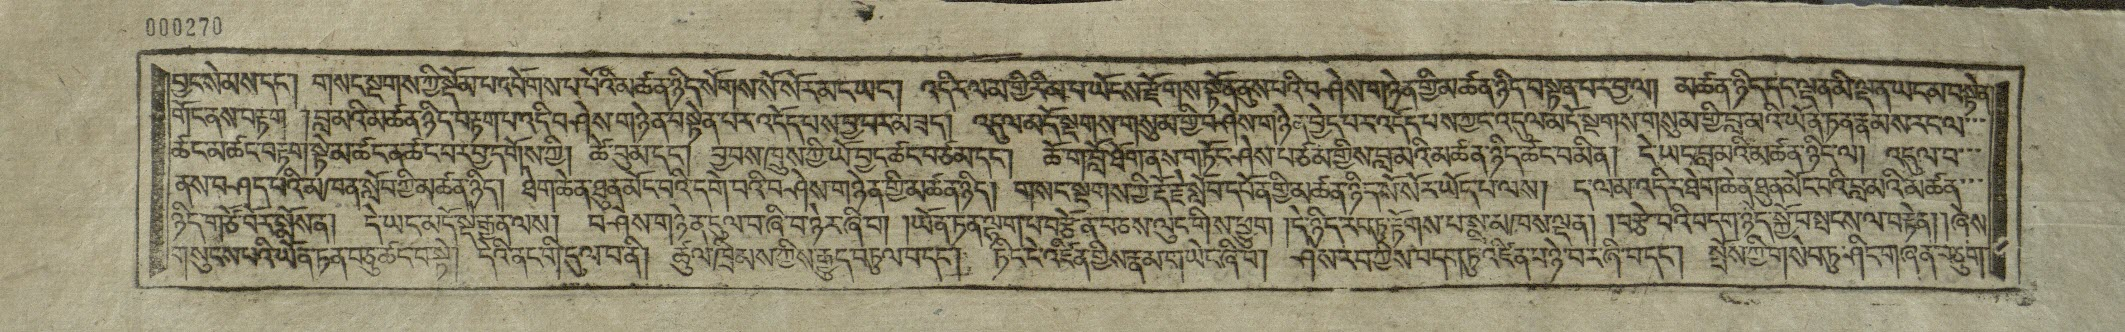བྱང་སེམས་དང་། གསང་སྔགས་ཀྱི་སྡོམ་པ་འབོགས་པ་པོའི་མཚན་ཉིད་སོགས་སོ་སོར་མང་ཡང་། འདིར་ལམ་གྱི་རིམ་པ་ཡོངས་རྫོགས་སྟོན་ནུས་པའི་བཤེས་གཉེན་གྱི་མཚན་ཉིད་བསྟན་པར་བྱ་ལ། མཚན་ཉིད་དང་ལྡན་མི་ལྡན་ཡང་མ་བསྟེན་
གོང་ནས་བརྟག །བླ་མའི་མཚན་ཉིད་བརྟག་པ་འདི་བཤེས་གཉེན་བསྟེན་པར་འདོད་པས་བྱ་བར་མ་ཟད། འདུལ་མདོ་སྔགས་གསུམ་གྱི་བཤེས་གཉེན་བྱེད་པར་འདོད་པས་ཀྱང་འདུལ་མདོ་སྔགས་གསུམ་གྱི་བླ་མའི་ཡོན་ཏན་རྣམས་རང་ལ་
ཚང་མ་ཚང་བརྟག་སྟེ་མ་ཚང་ན་ཚང་བར་བྱ་དགོས་ཀྱི། ཚེ་བུམ་དང་། བྱབས་ཁྲུས་ཀྱི་ཡོ་བྱང་ཚང་བ་ཙམ་དང་། ཆོ་ག་བློ་ཐོག་ནས་གཏོང་ཤེས་པ་ཙམ་གྱིས་བླ་མའི་མཚན་ཉིད་ཚང་བ་མིན། དེ་ཡང་བླ་མའི་མཚན་ཉིད་ལ། འདུལ་བ་
ནས་བཤད་པའི་མཁན་སློབ་ཀྱི་མཚན་ཉིད། ཐེག་ཆེན་ཐུན་མོང་བའི་དགེ་བའི་བཤེས་གཉེན་གྱི་མཚན་ཉིད། གསང་སྔགས་ཀྱི་རྡོ་རྗེ་སློབ་དཔོན་གྱི་མཚན་ཉིད་སོ་སོར་ཡོད་པ་ལས། ད་ལམ་འདིར་ཐེག་ཆེན་ཐུན་མོང་བའི་བླ་མའི་མཚན་
ཉིད་གཙོ་བོར་སྨོས་ན། དེ་ཡང་མདོ་སྡེ་རྒྱན་ལས། བཤེས་གཉེན་ངུལ་བ་ཞི་བ་ཉེར་ཞི་བ། །ཡོན་ཏན་ལྷག་པ་བརྩོན་བཅས་ལུང་གིས་ཕྱུག །དེ་ཉིད་རབ་ཏུ་རྟོགས་པ་སྨྲ་མཁས་ལྡན། །བརྩེ་བའི་བདག་ཉིད་སྐྱོ་བ་སྤངས་ལ་བརྟེན། །ཞེས་
གསུངས་པའི་ཡོན་ཏན་བཅུ་ཚང་བ་སྟེ། དེའི་ནང་གི་དུལ་བ་ནི། ཚུལ་ཁྲིམས་ཀྱིས་རྒྱུད་བཏུལ་བ་དང་། ཏིང་ངེ་འཛིན་གྱིས་རྣམ་གཡེང་ཞི་བ། ཤེས་རབ་ཀྱིས་བདག་ཏུ་འཛིན་པ་ཉེ་བར་ཞི་བ་དང་། སྤོས་ཀྱི་གསེབ་ཏུ་ཤིང་གཞན་བཅུག་